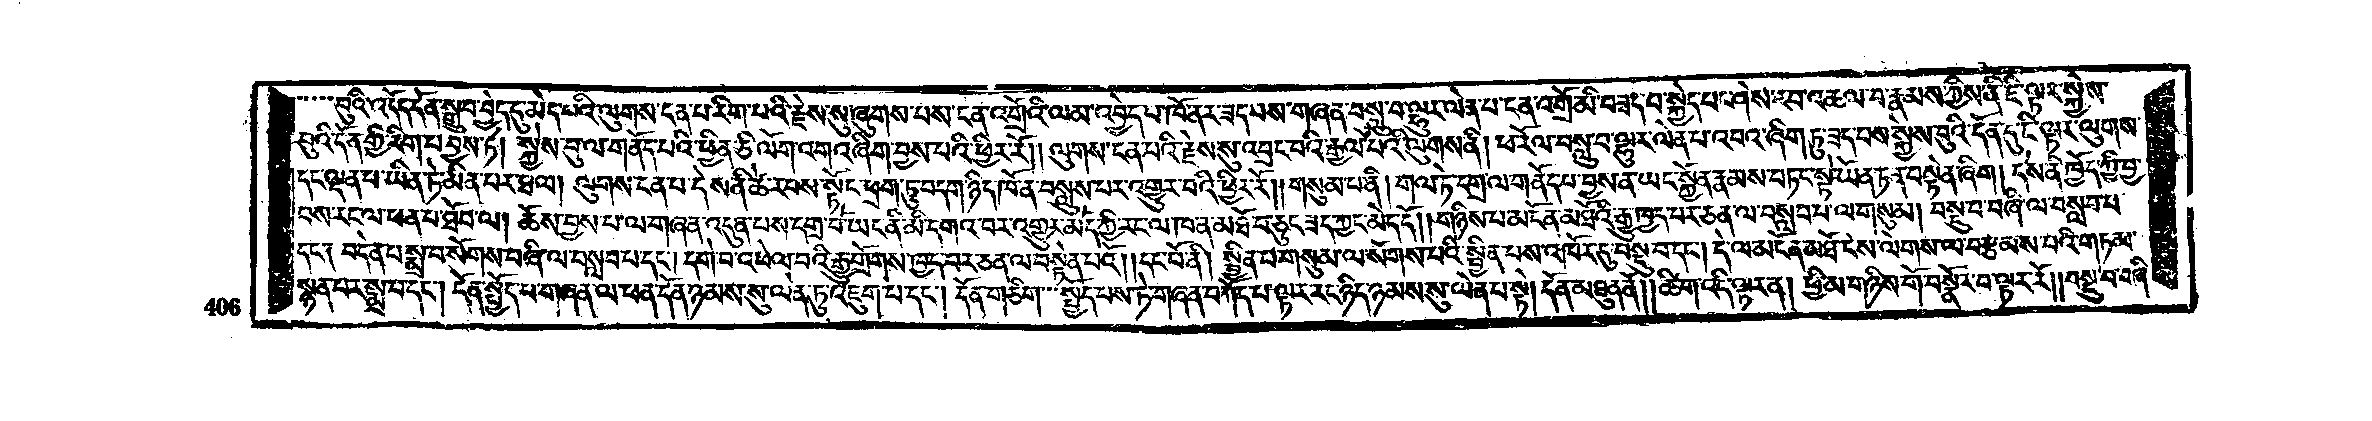བུའི་འདོད་དོན་སྒྲུབ་བྱེད་དུ་མེད་པའི་ལུགས་ངན་པ་རིག་པའི་རྗེས་སུ་ཞུགས་པས་ངན་འགྲོའི་ལམ་འབྱེད་པ་ཁོ་ནར་ཟད་པས་གཞན་བསླུ་བ་ལྷུར་ལེན་པ་ངན་འགྲོ་མི་བཟད་པ་སྐྱེད་པ་ཤེས་རབ་འཆལ་བ་རྣམས་ཀྱིས་ནི་ཇི་ལྟར་སྐྱེས་
བུའི་དོན་གྱི་རིག་པ་བྱས་ཏེ། སྐྱེས་བུ་ལ་གནོད་པའི་ཕྱིན་ཅི་ལོག་འགའ་ཞིག་བྱས་པའི་ཕྱིར་རོ། །ལུགས་ངན་པའི་རྗེས་སུ་འབྲང་བའི་རྒྱལ་པོའི་ལུགས་ནི། ཕ་རོལ་བསླུ་བ་ལྷུར་ལེན་པ་འབའ་ཞིག་ཏུ་ཟད་པས་སྐྱེས་བུའི་དོན་དུ་ཇི་ལྟར་ལུགས་
དང་ལྡན་པ་ཡིན་ཏེ་མིན་པར་ཐལ། ལུགས་ངན་པ་དེས་ནི་ཚེ་རབས་སྟོང་ཕྲག་ཏུ་བདག་ཉིད་ཁོ་ན་བསླུས་པར་འགྱུར་བའི་ཕྱིར་རོ། །གསུམ་པ་ནི། གལ་ཏེ་དགྲ་ལ་གནོད་པ་བྱས་ན་ཡང་སྐྱོན་རྣམས་བཏང་སྟེ་ཡོན་ཏན་བསྟེན་ཞིག། དེས་ནི་ཁྱོད་ཀྱི་བྱ་
བས་རང་ལ་ཕན་པ་ཐོབ་ལ། ཆོས་བྱས་པ་ལ་གཞན་འདུན་པས་དགྲ་བོ་ཡང་ནི་མི་དགའ་བར་འགྱུར་མེད་ཀྱི་རང་ལ་ཁ་ན་མཐོ་བ་ཅུང་ཟད་ཀྱང་མེད་དོ། །གཉིས་པ་མངོན་མཐོའི་རྒྱུ་ཁྱད་པར་ཅན་ལ་བསླབ་པ་ལ་གསུམ། བསྡུ་བ་བཞི་ལ་བསླབ་པ་
དང་། བདེན་པ་སྨྲ་བ་སོགས་བཞི་ལ་བསླབ་པ་དང་། དགེ་བ་འཕེལ་བའི་རྒྱུ་གྲོགས་ཁྱད་པར་ཅན་ལ་བསྟེན་པའོ། །དང་པོ་ནི། སྦྱིན་པ་གསུམ་ལ་སོགས་པའི་སྦྱིན་པས་འཁོར་དུ་བསྡུ་བ་དང་། དེ་ལ་མངོན་མཐོ་ངེས་ལེགས་ལ་བརྩམས་པའི་གཏམ་
སྙན་པར་སྨྲ་བ་དང་། དོན་སྤྱོད་པ་གཞན་ལ་ཕན་དོན་ཉམས་སུ་ལེན་ཏུ་འཇུག་པ་དང་། དོན་གཅིག་སྤྱོད་པས་ཏེ་གཞན་བཀོད་པ་ལྟར་རང་ཉིད་ཉམས་སུ་ལེན་པ་སྟེ། དོན་མཐུན་ནོ། །ཚིག་འདི་ལྟར་ན། ཕྱི་མ་གཉིས་གོ་བསྣོར་བ་ལྟར་རོ། །བསྡུ་བ་བཞི་